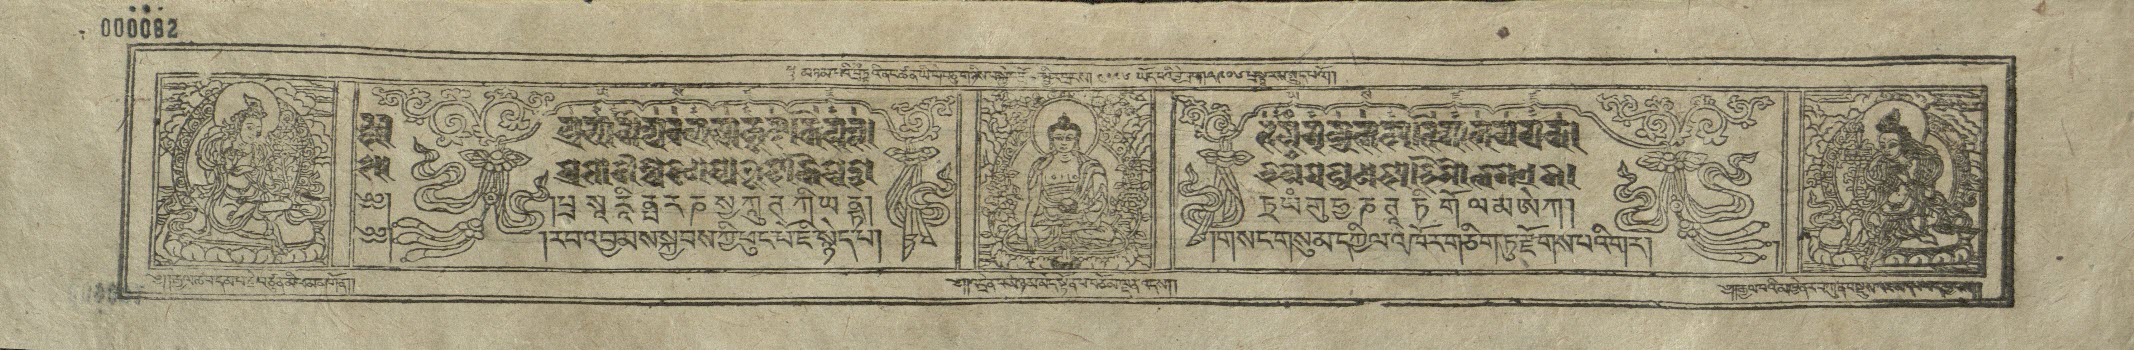་།པྲ་སཱ་རཱི་ནྤ་ར་ཎ་སྱ་ཀླུ་ཊ་?་ཀི་ཡ་ནྟ། ཏྲ་ཡཾ་གུ་ཧྱ་ཎ་ཊཱ་ཏི་གོ་ལ་མ་?་ཨེ་ཀ།
༄༅། །རབ་འབྱམས་སྐྱབས་ཀྱི་ཕུང་པོ་ཇི་སྙེད་པ། །གསང་གསུམ་དཀྱིལ་འཁོར་གཅིག་ཏུ་རྫོགས་པའི་གར།